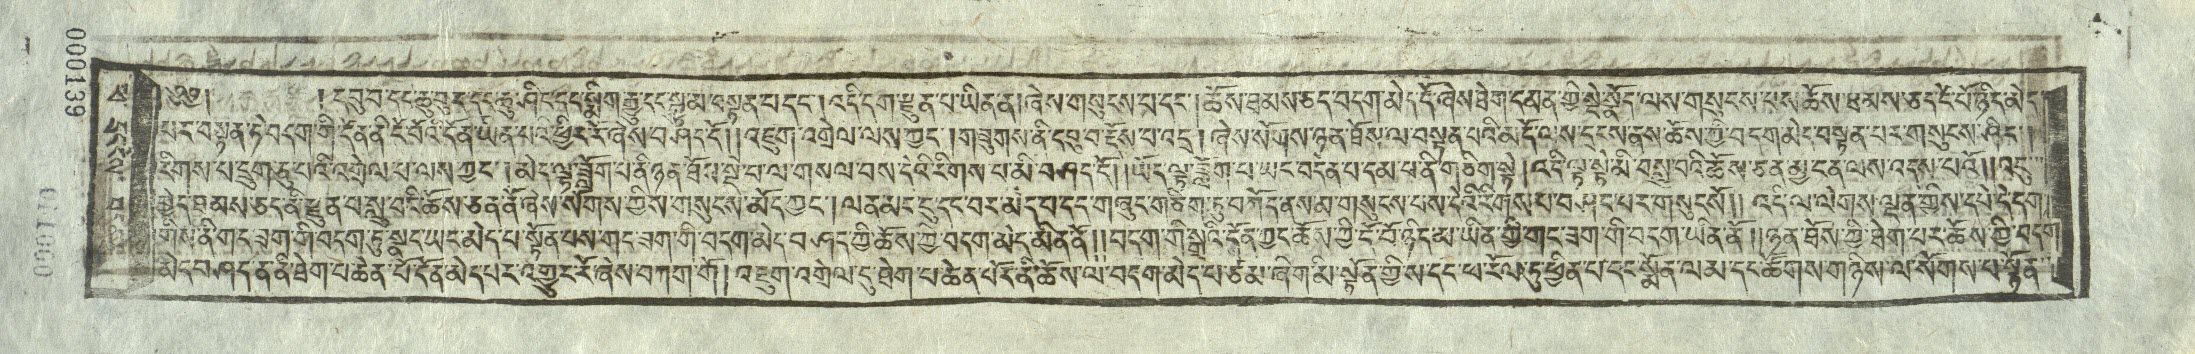༄༅། །དབུ་བ་དང་ཆུ་བུར་དང་ཆུ་ཤིང་དང་སྨིག་རྒྱུ་དང་སྒྱུ་མ་བསྟན་པ་དང་། འདི་དག་རྫུན་པ་ཡིན་ན། ཞེས་གསུངས་པ་དང་། ཆོས་ཐམས་ཅད་བདག་མེད་དོ་ཞེས་ཐེག་དམན་གྱི་སྡེ་སྣོད་ལས་གསུངས་པས་ཆོས་ཐམས་ཅད་ངོ་བོ་ཉིད་མེད་
པར་བསྟན་ཏ་བདག་གི་དོན་ནི་ངོ་བོའི་དོན་ཡིན་པའི་ཕྱིར་རོ་ཞེས་བཤད་དོ། །འཇུག་འགྲེལ་ལས་ཀྱང་། གཟུགས་ནི་དབུ་བ་རྡོས་པ་འདྲ། ཞེས་སོགས་ཉན་ཐོས་ལ་བསྟན་པའི་མདོ་ལས་དྲངས་ནས་ཆོས་ཀྱི་བདག་མེད་བསྟན་པར་གསུངས་ཤིང་།
རིགས་པ་དྲུག་ཅུ་པའི་འགྲེལ་པ་ལས་ཀྱང་། མེད་ལྟ་ཟློག་པ་ནི་ཉན་ཐོས་སྡེ་པ་ལ་གསལ་བས་དེའི་རིགས་པ་མི་བཤད་དོ། །ཡོད་ལྟ་ཟློག་པ་ཡང་བདེན་པ་དམ་པ་ནི་གཅིག་སྟེ། འདི་ལྟ་སྟེ་མི་བསླུ་བའི་ཆོས་ཅན་མྱ་ངན་ལས་འདས་པའོ། །འདུ་
བྱེད་ཐམས་ཅད་ནི་རྫུན་པ་སླུ་བའི་ཆོས་ཅན་ནོ་ཞེས་སོགས་ཀྱིས་གསུངས་མེད་ཀྱང་། ལན་མང་དུ་དང་བར་མེད་པ་དང་གཞུང་གཅིག་ཏུ་བཀོད་ནས་མ་གསུངས་པས་དེའི་རིགས་པ་བཤད་པར་གསུངས་སོ། །འདི་ལ་ལེགས་ལྡན་གྱིས་དཔེ་དེ་དག་
གིས་ནི་གང་ཟག་གི་བདག་ཏུ་སྣང་ཡང་མེད་པ་སྟོན་པས་གང་ཟག་གི་བདག་མེད་བཤད་ཀྱི་ཆོས་ཀྱི་བདག་མེད་མིན་ནོ། །བདག་གི་སྒྲའི་དོན་ཀྱང་ཆོས་ཀྱི་ངོ་བོ་ཉིད་མ་ཡིན་གྱི་གང་ཟག་གི་བདག་ཡིན་ནོ། །ཉན་ཐོས་ཀྱི་ཐེག་པར་ཆོས་ཀྱི་བདག་
མེད་བཤད་ན་ནི་ཐེག་པ་ཆེན་པོ་དོན་མེད་པར་འགྱུར་རོ་ཞེས་བཀག་གོ། འཇུག་འགྲེལ་དུ་ཐེག་པ་ཆེན་པོར་ནི་ཆོས་ལ་བདག་མེད་པ་ཙམ་ཞིག་མི་སྟོན་གྱིས་དང་ཕ་རོལ་ཏུ་ཕྱིན་པ་དང་སྨོན་ལམ་དང་ཚོགས་གཉིས་ལ་སོགས་པ་སྟོན་